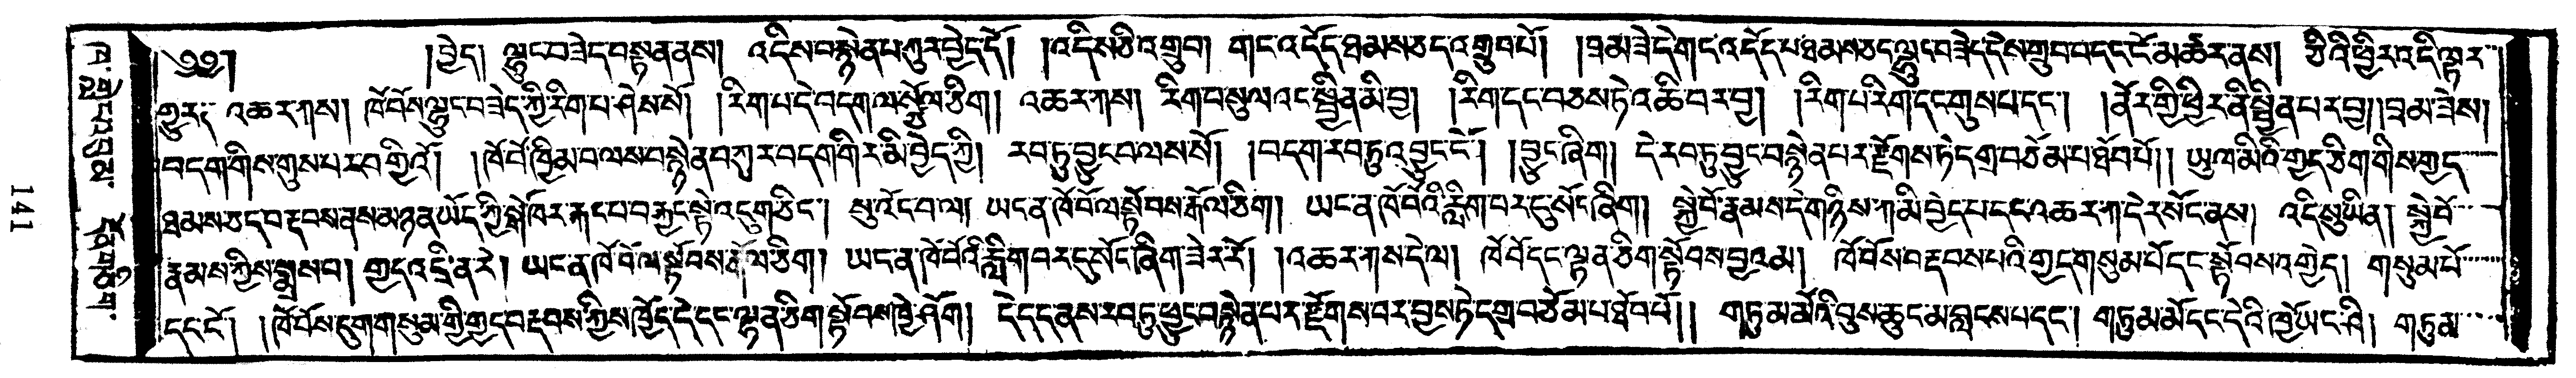༄༅། །བྱེད། ལྷུང་བཟེད་བསྟན་ནས། འདིས་བསྙེན་པ་ཀུར་བྱེད་དོ། །འདིས་ཅི་འགྲུབ། གང་འདོད་ཐམས་ཅད་འགྲུབ་པོ། །བྲམ་ཟེ་དེ་གང་འདོད་པ་ཐམས་ཅད་ལྷུང་བཟེད་དེས་གྲུབ་བ་དང་ངོ་མཚར་ནས། ཅིའི་ཕྱིར་འདི་ལྟར་
གྱུར༑ འཆར་ཀས། ཁོ་བོས་ལྷུང་བཟེད་ཀྱི་རིག་པ་ཤེས་སོ། །རིག་པ་དེ་བདག་ལ་སྩོལ་ཅིག། འཆར་ཀས། རིག་པ་སུ་ལའང་སྦྱིན་མི་བྱ། །རིག་དང་བཅས་ཏེ་འཆི་བར་བྱ། །རིག་པ་རིག་དང་གུས་པ་དང་། །ནོར་གྱི་ཕྱིར་ནི་སྦྱིན་པར་བྱ། །བྲམ་ཟེས།
བདག་གིས་གུས་པར་བགྱིའོ། །ཁོ་བོ་ཁྱིམ་བ་ལས་བསྙེན་བཀུར་བདག་གིར་མི་བྱེད་ཀྱི། རབ་ཏུ་བྱུང་བ་ལས་སོ། །བདག་རབ་ཏུ་འབྱུང་ངོ། །བྱུང་ཞིག། དེ་རབ་ཏུ་བྱུང་བསྙེན་པར་རྫོགས་ཏེ་དགྲ་བཅོམ་པ་ཐོབ་པོ། །ཡུལ་མིའི་གྱད་ཅིག་གིས་གྱད་
ཐམས་ཅད་བརྡབས་ནས་མཉན་ཡོད་ཀྱི་སྒོ་ཁར་རྐང་པ་བརྐྱང་སྟེ་འདུག་ཅིང་། སུ་འོང་བ་ལ། ཡང་ན་ཁོ་བོ་ལ་སྟོབས་རྒོལ་ཅིག། ཡང་ན་ཁོ་བོའི་རླིག་པར་དུ་སོང་ཞིག། སྐྱེ་བོ་རྣམས་དེ་གཉིས་ཀ་མི་བྱེད་པ་དང་འཆར་ཀ་དེར་སོང་ནས། འདི་སུ་ཡིན། སྐྱེ་བོ་
རྣམས་ཀྱིས་སྨྲས་པ། གྱད་འདྲི་ན་རེ། ཡང་ན་ཁོ་བོ་ལ་སྟོབས་རྒོལ་ཅིག། ཡང་ན་ཁོ་བོའི་རླིག་བར་དུ་སོང་ཞིག་ཟེ་རོ། །འཆར་ཀས་དེ་ལ། ཁོ་བོ་དང་ལྟན་ཅིག་སྟོབས་བྱའམ། ཁོ་བོས་བརྡབས་པའི་གྱད་གསུམ་པོ་དང་སྟོབས་འགྱེད། གསུམ་པོ་
དང་ངོ། །ཁོ་བོས་དུག་གསུམ་གྱི་གྱད་བརྡབས་ཀྱིས་ཁྱོད་དེ་དང་ལྷན་ཅིག་སྟོབས་ཁྱེ་ཤོག། དེ་དད་ནས་རབ་ཏུ་ཕྱུང་བསྙེན་པར་རྫོགས་བར་བྱས་ཏེ་དགྲ་བཅོམ་པ་ཐོབ་པོ།། གཏུམ་མོའི་བུས་ཆུང་མ་བླངས་པ་དང་། གཏུམ་མོ་དང་དེའི་ཁྱོ་ཡང་ཤི། གཏུམ་